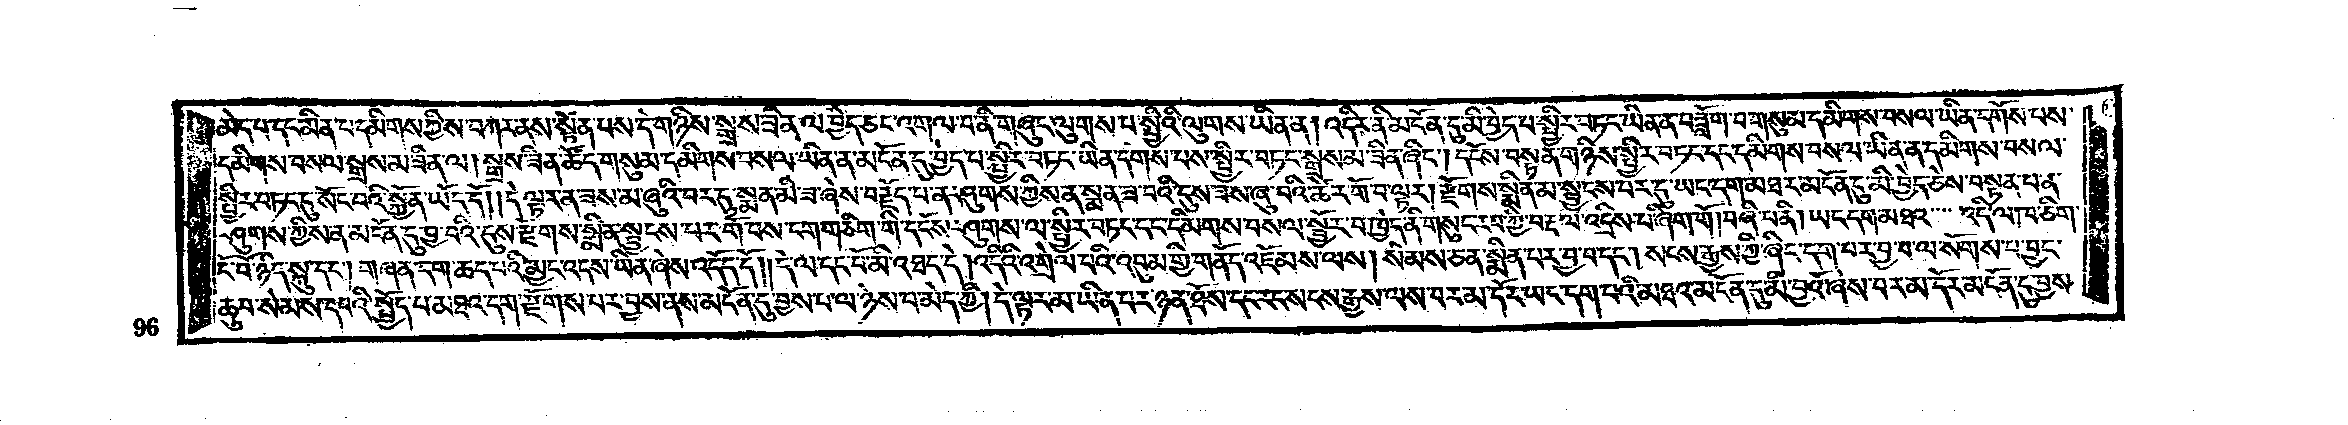མེད་པ་དང་མིན་པ་དམིགས་ཀྱིས་བཀར་ནས་སྟོན་པས་དེ་གཉིས་སྒྲས་ཟིན་ལ་བྱེད་ཅིང་འགལ་བ་ནི་གཞུང་ལུགས་པ་སྤྱིའི་ལུགས་ཡིན་ན། འདིར་ནི་མངོན་དུ་མི་བྱེད་པ་སྤྱིར་བཏང་ཡིན་ན་བཟློག་པ་གསུམ་དམིགས་བསལ་ཡིན་དགོས་པས་
དམིགས་བསལ་སྒྲས་མ་ཟིན་ལ། སྒྲས་ཟིན་ཚོད་གསུམ་དམིགས་བསལ་ཡིན་ན་མངོན་དུ་བྱེད་པ་སྤྱིར་བཏང་ཡིན་དགོས་པས་སྤྱིར་བཏང་སྒྲས་མ་ཟིན་ཞིང་། དངོས་བསྟན་གཉིས་སྤྱིར་བཏང་དང་དམིགས་བསལ་ཡིན་ན་དམིགས་བསལ་
སྤྱིར་བཏང་དུ་སོང་བའི་སྐྱོན་ཡོད་དོ། །དེ་ལྟར་ན་ཟས་མ་ཞུའི་བར་དུ་སྨན་མི་ཟ་ཞེས་བརྗོད་པ་ན་ཤུགས་ཀྱིས་ན་སྨན་ཟ་བའི་དུས་ཟས་ཞུ་བའི་ཚེར་གོ་བ་ལྟར། རྫོགས་སྨིན་མ་སྦྱངས་བར་དུ་ཡང་དག་མཐར་མངོན་དུ་མི་བྱེད་ཅེས་བསྟན་པ་ན་
ཤུགས་ཀྱིས་ན་མངོན་དུ་བྱ་བའི་དུས་རྫོགས་སྨིན་སྦྱངས་པར་གོ་བས་ངག་གཅིག་གི་དངོས་ཤུགས་ལ་སྤྱིར་བཏང་དང་དམིགས་བསལ་སྦྱོར་བ་ཁྱེད་ནི་གསུང་རབ་ཀྱི་བརྡལ་འདྲིས་པ་ཞིག་གོ །བཞི་པ་ནི། ཡང་དག་མཐའ་འདི་ལ་ཁ་ཅིག་
ངོ་བོ་ཉིད་སྐུ་དང་། གཞན་དག་ཆད་པའི་མྱང་འདས་ཡིན་ཞེས་འདོད་དོ། །དེ་ལ་དང་པོ་མི་འཐད་དེ། འདིའི་འགྲེལ་བའི་འབུམ་གྱི་གནོད་འཇོམས་ལས། སེམས་ཅན་སྨིན་པར་བྱ་བ་དང་། སངས་རྒྱས་ཀྱི་ཞིང་དག་པར་བྱ་བ་ལ་སོགས་པ་བྱང་
ཆུབ་སེམས་དཔའི་སྤྱོད་པ་མཐའ་དག་རྫོགས་པར་བྱས་ནས་མངོན་དུ་བྱས་པ་ལ་ཉེས་པ་མེད་ཀྱི། དེ་ལྟར་མ་ཡིན་པར་ཉན་ཐོས་དང་རང་སངས་རྒྱས་ལས་བར་མ་དོར་ཡང་དག་པའི་མཐའ་མངོན་དུ་མི་བྱའོ་ཞེས་བར་མ་དོར་མངོན་དུ་བྱས་